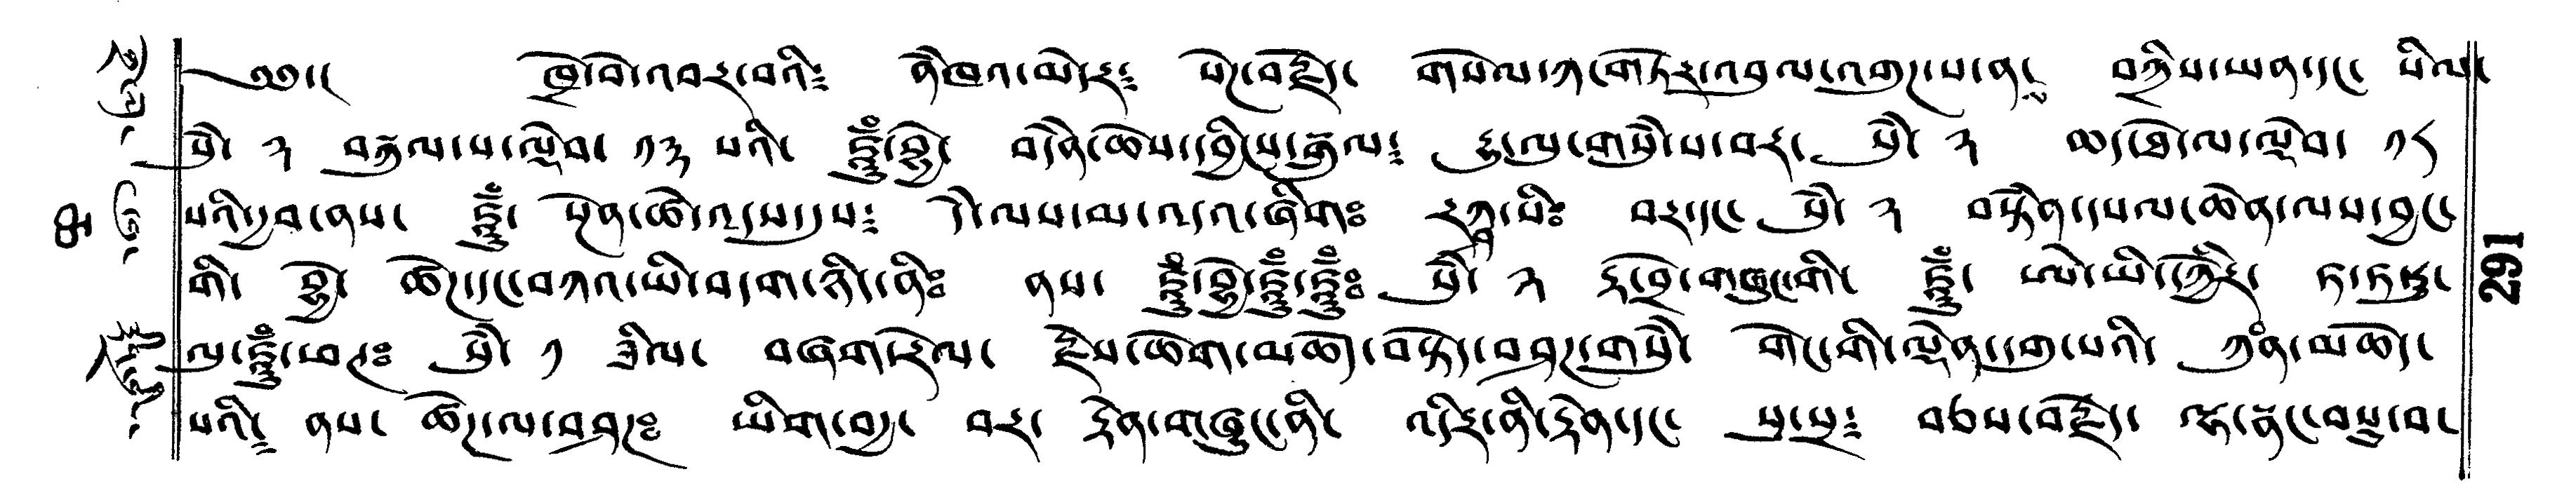ཁྲོ་བོ་འབར་བའི༴ ནམ་མཁའ་མེད་པར༴ སོགས་བརྗོད། གསོལ་ཀ་གཏོར་འབུལ་འགུགས་པ་ནས་བཀྲ་ཤིས་ཡན་དང་། སིལ། 
སུམ་གཉིས། བསྐུལ་པ་ལྡེབ་བཅུ་གསུམ་པའི། ཧཱུྃ་བྷྱོ༔ བདེ་ཆེན་ཆོས་དབྱིངས་སྒྱུ་འཕྲུལ༴ རུ་ལུ་གསུམ་པའི་བར། སུམ་གཉིས། ཆད་ཐོ་ལ། ལྡེབ་བཅོ་བརྒྱད་
པའི་རྒྱབ་ནས། ཧཱུྃ༔ སྔོན་ཚེ་འདས་དུས༴ དམ་ལས་མ་འདའ་ཞིག༔ རཀྴ་སི༔ བར་དང་། སུམ་གཉིས། བསྟན་མ། དཔལ་ཆེན་ལས་བྱང་
གི བྷྱོ༔ ཚོགས་དང་བཀའ་ཡི་བདག་ཉིད་ནི༔ ནས། ཧཱུྃ་བྷྱོ༔ ཧཱུྃ་ཧཱུྃ༔ སུམ་གཉིས། རྟ་བྲོ་གཞུང་གི ཧཱུྃ༔ ཨེ་ཡི་དཀྱིལ་འཁོར༴ ཧ་ཧ་རུ་
ལུ་ཧཱུྃ་ཕཊཿ སུམ་གཅིག སིལ། བཞག་རོལ། རྗེས་ཆོག་མཆོད་བསྟོད་བཤགས་གསུམ། གོང་གི་ལྡེབ་དགུ་པའི། ཀུན་བཟང་མཆོད་
པའི༴ ནས། ཚོགས་ལ་བཤགས༔ ཡིག་བརྒྱ། བར། རྟེན་བཞུགས་ནི། འདིར་ནི་རྟེན་དང༴ སུ་པྲ༴ བཅས་བརྗོད། ལྷ་སྣང་བསྡུ་བ་